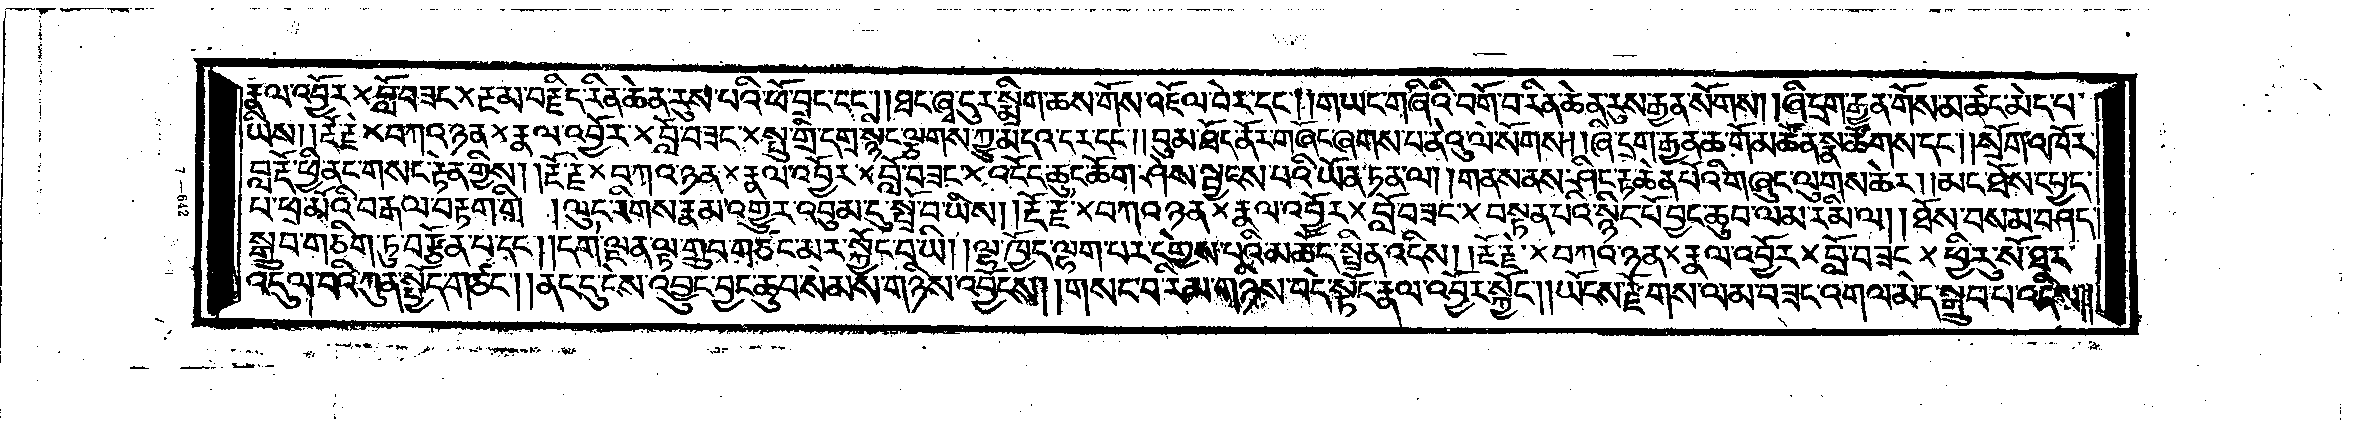རྣལ་འབྱོར྾་བློ་བཟང྾་རྔམ་བརྗིད་རིན་ཆེན་རུས་པའི་ཕོ་བྲང་དང་། །ཐང་ཞྭ་དུར་སྨྲིག་ཆས་གོས་འཇོལ་བེར་དང་། །གཡང་གཞིའི་བགོ་བ་རིན་ཆེན་རུས་རྒྱན་སོགས། །ཞི་དྲག་རྒྱན་གོས་མ་ཚང་མེད་པ་
ཡིས། །རྡོ་རྗེ྾་བཀའ་ཉན྾་རྣལ་འབྱོར྾་བློ་བཟང྾་སྤུ་གྲི་དགྲ་སྙིང་ལྕགས་ཀྱུ་མདའ་དར་དང་། །བུམ་ཐོད་ནོར་གཞོང་ཞགས་པ་ནེའུ་ལེ་སོགས། །ཞི་དྲག་རྒྱན་ཆ་གོ་མཚོན་སྣ་ཚོགས་དང་། །སྲོག་འཁོར་
བླ་རྡོ་ཕྱི་ནང་གསང་རྟེན་གྱིས། །རྡོ་རྗེ྾་བཀའ་ཉན྾་རྣལ་འབྱོར྾་བློ་བཟང྾་འདོད་ཆུང་ཆོག་ཤིས་སྦྱངས་བའི་ཡོན་ཏན་ལ། །གནས་ནས་ཤིང་རྟ་ཆེན་པོའི་གཞུང་ལུགས་ཆེར། །མང་ཐོས་དཔྱད་
པ་ཕྲ་མོའི་བརྒལ་བརྟག་གི །ལུང་རིགས་རྣམ་འགྱུར་འབུམ་དུ་སྤྲོ་བ་ཡིས། །རྡོ་རྗེ྾་བཀའ་ཉན྾་རྣལ་འབྱོར྾་བློ་བཟང྾་བསྟན་པའི་སྙིང་པོ་བྱང་ཆུབ་ལམ་རིམ་ལ། །ཐོས་བསམ་བཤད་
སྒྲུབ་གཅིག་ཏུ་བརྩོན་པ་དང་། །དགེ་ལྡན་ལྟ་གྲུབ་གཙང་མར་སྐྱོང་བ་ཡི། །ལྷ་ཁྱོད་ལྷག་བར་དགྱེས་པའི་མཆོད་སྤྲིན་འདིས། །རྡོ་རྗེ྾་བཀའ་ཉན྾་རྣལ་འབྱོར྾་བློ་བཟང྾་ཕྱིར་རུ་སོ་ཐར་
འདུལ་བའི་ཀུན་སྤྱོད་གཙང་། །ནང་དུ་ངེས་འབྱུང་བྱང་ཆུབ་སེམས་གཉིས་འབྱོངས། །གསང་བ་རིམ་གཉིས་བདེ་སྟོང་རྣལ་འབྱོར་སྐྱོང་། །ཡོངས་རྫོགས་ལམ་བཟང་འགལ་མེད་སྒྲུབ་པ་འདིས།